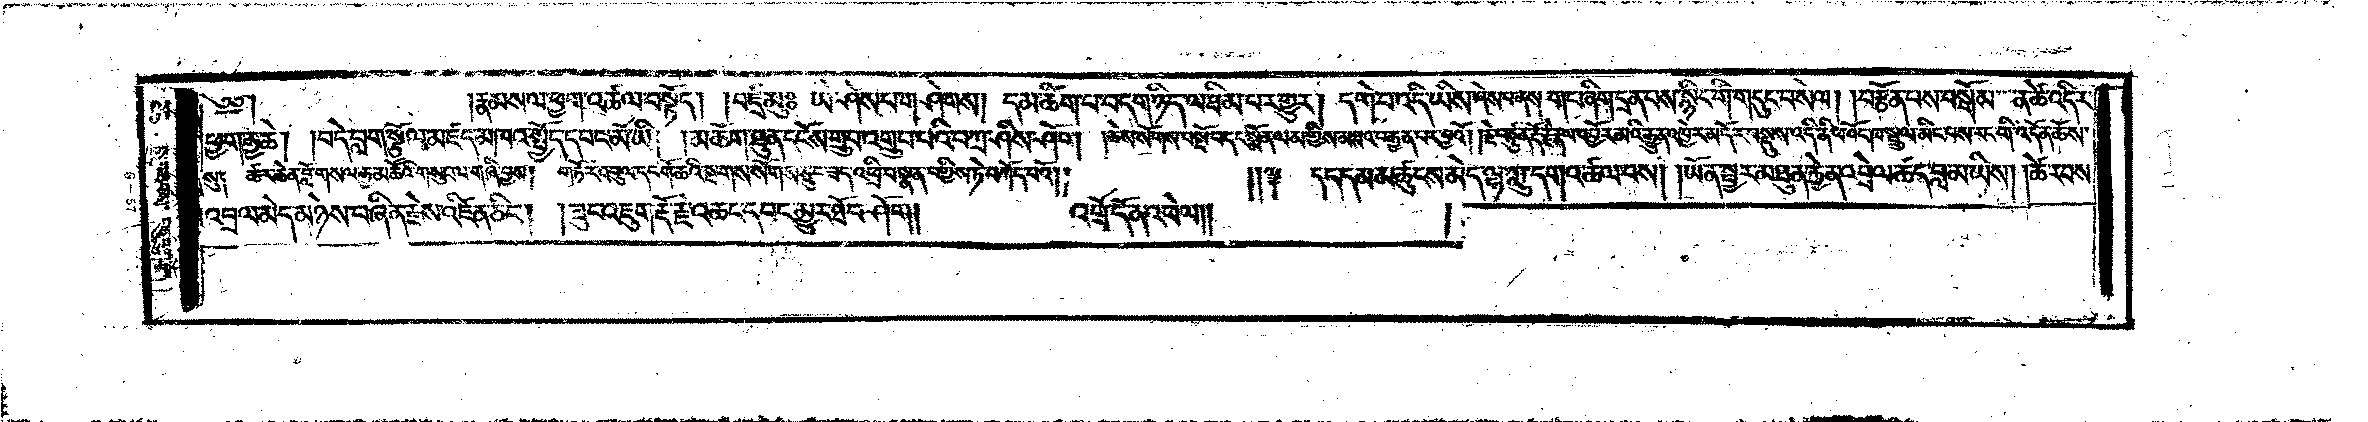༄༅། །རྣམས་ལ་ཕྱག་འཚལ་བསྟོད། །བཛྲ་མུཿ ཡེ་ཤེས་པ་གཤེགས། དམ་ཚིག་པ་བདག་ཉིད་ལ་ཐིམ་པར་གྱུར། དགེ་བ་འདི་ཡིས་ཞེས་པ་ནས། གང་ཞིག་དྲན་པས་སྙིང་གི་གདུང་བ་སེལ། །བརྩོན་པས་བསྒོམ་ན་ཚེ་འདིར་
ཕྱག་རྒྱ་ཆེ། །བདེ་བླག་སྩོལ་མཛད་མཁའ་སྤྱོད་དབང་མོ་ཡི། །མཆོག་ཐུན་དངོས་གྲུབ་འགྲུབ་པའི་བཀྲ་ཤིས་ཤོག །ཆེས་སོགས་བསྔོ་བ་དང་སྨོན་ལམ་གྱིས་མཐའ་བརྒྱན་པར་བྱའོ། །རྗེ་བཙུན་རྡོ་རྗེ་རྣལ་འབྱོར་མའི་རྒྱུན་འཁྱེར་མདོར་བསྡུས་འདི་ནི་ཕ་བོང་ཁ་སྤྲུལ་མིང་པས་རང་གི་འདོན་ཆོས་
སུ༑ ཚར་ཆེན་བ་ལོ་གསལ་རྱྒ་མཚོ་གསུངས་གཞི་བྱས། གཅོར་འདུལ་དང་གོ་ཆའི་སྔགས་སོགས་ཅུང་ཟད་འཕྲི་བསྣན་བགྱིས་ཏེ་བཀོད་པའོ།། །།༈ དད་དམ་མཚུངས་མེད་ལྷ་ཀླུ་དགའ་འཚལ་བས། །ཡོན་སྦྱར་མཐུན་རྐྱེན་འབྲེལ་ཚད་བླ་མ་ཡིས། །ཚེ་རབས་
འབྲལ་མེད་མཉེས་བཞིན་རྗེས་འཛིན་ཅིང་། །ཟུང་འཇུག་རྡོ་རྗེ་འཆང་དབང་མྱུར་ཐོབ་ཤོག ། འགྲོ་དོན་འཕེལ།།